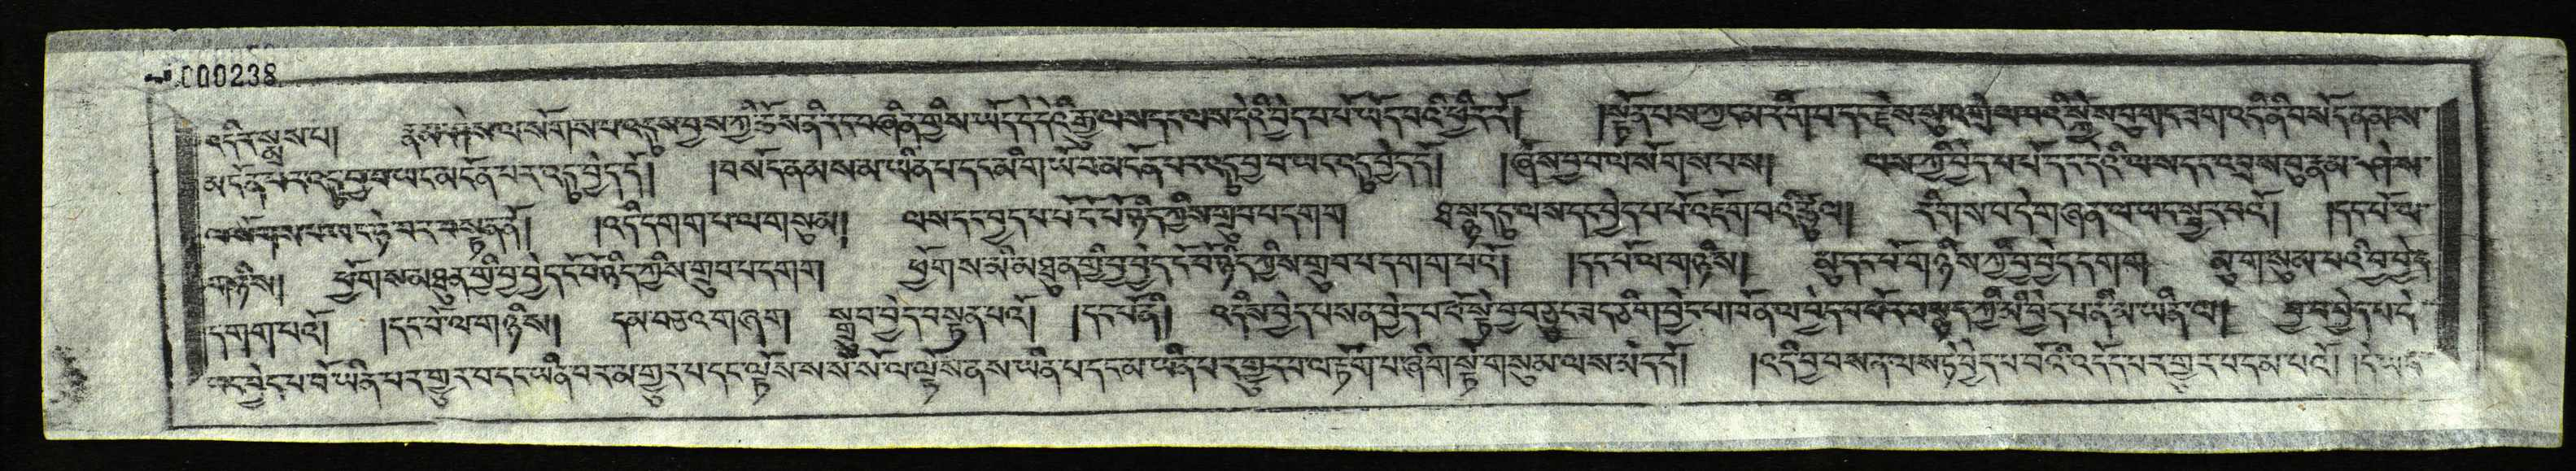འདིར་སྨྲས་པ། རྣམ་ཤེས་ལ་སོགས་པ་འདུས་བྱས་ཀྱི་ཆོས་ནི་རང་བཞིན་གྱིས་ཡོད་དེ་དེའི་རྒྱུ་ལས་དང་ལས་དེའི་བྱེད་པ་པོ་ཡོད་པའི་ཕྱིར་རོ། །སྟོན་པས་ཀྱང་མ་རིག་པ་དང་རྗེས་སུ་འགྲེལ་པའི་སྐྱེས་བུ་གང་ཟག་འདི་ནི་བསོད་ནམས་
མངོན་པར་འདུ་བྱ་བ་ཡང་མངོན་པར་འདུ་བྱེད་དོ། །བསོད་ནམས་མ་ཡིན་པ་དང་མི་གཡོ་བ་མངོན་པར་འདུ་བྱ་བ་ཡང་འདུ་བྱེད་དོ། །ཞེས་བྱ་བ་ལ་སོགས་པས། ལས་ཀྱི་བྱེད་པ་པོ་དང་དེའི་ལས་དང་འབྲས་བུ་རྣམ་ཤེས་
ལ་སོགས་པ་ཡང་ཉེ་བར་བསྟན་ནོ། །འདི་དགག་པ་ལ་གསུམ། ལས་དང་བྱད་པ་པོ་ངོ་བོ་ཉིད་ཀྱིས་གྲུབ་པ་དགག་ཐ་སྙད་དུ་ལས་དང་བྱེད་པ་པོ་འཇོག་པའི་ཚུལ། རིགས་པ་དེ་གཞན་ལ་ཡང་སྦྱར་བའོ། །དང་པོ་ལ་
གཉིས། ཕྱོགས་མཐུན་གྱི་བྱ་བྱེད་ངོ་བོ་ཉིད་ཀྱིས་གྲུབ་པ་དགག་ཕྱོགས་མི་མཐུན་གྱི་བྱ་བྱེད་ངོ་བོ་ཉིད་ཀྱིས་གྲུབ་པ་དགག་པའོ། །དང་པོ་ལ་གཉིས། མུ་དང་པོ་གཉིས་ཀྱི་བྱ་བྱེད་དགག་མུ་གསུམ་པའི་བྱ་བྱེད་
དགག་པའོ། །དང་པོ་ལ་གཉིས། དམ་བཅའ་གཞག་སྒྲུབ་བྱེད་བསྟན་པའོ། །དང་པོ་ནི། འདིས་བྱེད་པས་ན་བྱེད་པ་པོ་སྟེ་བྱ་བ་ཅུང་ཟད་ཅིག་བྱེད་པ་ཁོ་ན་ལ་བྱེད་པ་པོར་བསྙད་ཀྱི་མི་བྱེད་པ་ནི་མ་ཡིན་ལ། བྱ་བ་བྱེད་པ་དེ་
ཡང་བྱེད་པ་བོ་ཡིན་པར་གྱུར་པ་དང་ཡིན་པར་མ་གྱུར་པ་དང་ལྟོས་ས་སོ་སོ་ལ་ལྟོས་ནས་ཡིན་པ་དང་མ་ཡིན་པར་གྱུར་པ་ལ་རྟོག་པ་ཞིག་སྟེ་གསུམ་ལས་མེད་དོ། །འདི་བྱ་བས་ན་ལས་ཏེ་བྱེད་པ་པོའི་འདོད་པར་གྱུར་པ་དམ་པའོ། །དེ་ཡང་